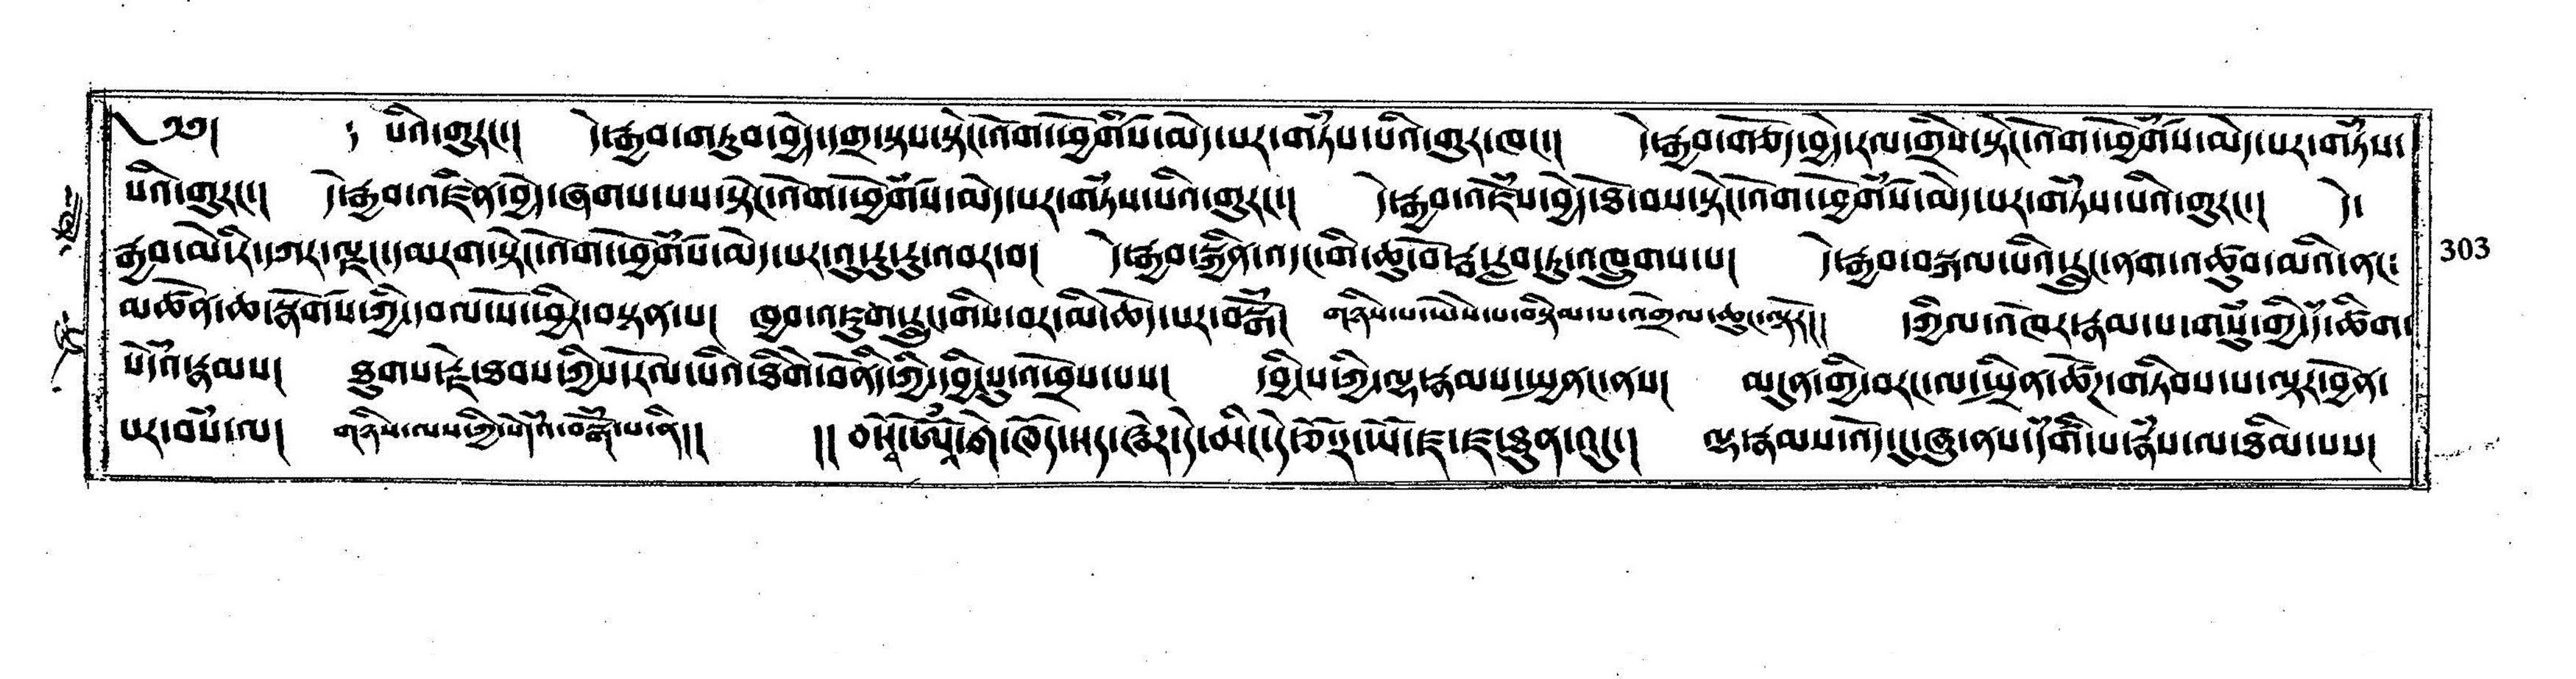པའི་གུར་ཁང་། དེ་རྒྱབ་གཏུབ་བྱེད་དགྲ་སྟས་སྟེང་འོག་ཕྱོགས་མཚམས་མེད་པར་གཏམས་པའི་གུར་ཁང་། དེ་རྒྱབ་གཅོད་བྱེད་རལ་གྲིས་སྟེང་འོག་ཕྱོགས་མཚམས་མེད་པར་གཏམས་
པའི་གུར་ཁང་། དེ་རྒྱབ་འཛིན་བྱེད་ཞགས་པས་སྟེང་འོག་ཕྱོགས་མཚམས་མེད་པར་གཏམས་པའི་གུར་ཁང་། དེ་རྒྱབ་འཇོམས་བྱེད་ཐོ་བས་སྟེང་འོག་ཕྱོགས་མཚམས་མེད་པར་གཏམས་པའི་གུར་ཁང་། དེ་
རྒྱབ་མེ་རི་དཀར་ལྗང་དམར་ནག་སྟེང་འོག་ཕྱོགས་མཚམས་མེད་པར་འུ་རུ་རུ་འབར་བ། དེ་རྒྱབ་སྐྱིན་འདང་གི་ཆུ་བོ་རྦ་རླབ་ཏུ་འཁྲུགས་པ། དེ་རྒྱབ་བསྐལ་པའི་རླུང་ནག་འཚུབ་མའི་ནང་
མཚོན་ཆ་སྣ་ཚོགས་ཀྱི་དབལ་སོ་ཕྱིར་བསྟན་པ། ཁྱབ་འཇུག་རླུང་གིས་བར་མི་ཆོད་པར་བསྒོམ། གཉིས་པ་ཡེ་ཤེས་པ་བསྟིམ་པ་འགྲེལ་ཆུང་ལྟར་རོ།། དཀྱིལ་འཁོར་རྣམ་པ་གསུམ་གྱི་དམ་ཚིག་
སེམས་དཔའ་རྣམས། ཐུགས་རྗེ་ཐབས་ཀྱིས་རོལ་པའི་ཐིག་ལེ་བོན་ཉིད་ཀྱི་དབྱིངས་སུ་འཕྲོས་པས། དབྱིངས་ཀྱི་ལྷ་རྣམས་སྤྱན་དྲང་ནས། མདུན་གྱི་བར་སྣང་ལ་སྤྲིན་ཚོགས་གཏིབས་པ་ལྟར་བྱོན་
པར་བསམ་ལ། གཉིས་པ་ལས་ཀྱི་སེམས་དཔའ་བསྒོམ་པ་ནི།། །།བསྭོ་ཨཱོཾ་གེ་ཁོད་སད་ཝེར་དེ་མིང་དེ་ཅོ་ར་ཡོ་ཛ་ཛ་ཐུན་འདུ། ལྷ་རྣམས་འོད་དུ་ཞུ་ནས་དམ་ཚིག་པ་རྣམས་ལ་ཐིམ་པས།